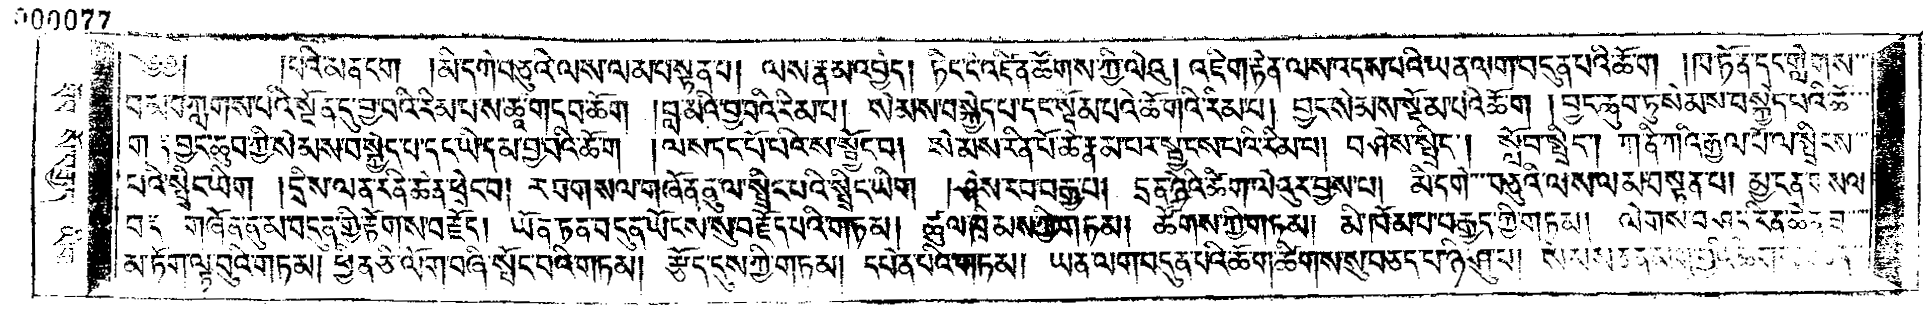༄༅། །པའི་མན་ངག །མི་དགེ་བཅུའི་ལས་ལམ་བསྟན་པ། ལས་རྣམ་འབྱེད། ཏིང་ངེ་འཛིན་ཚོགས་ཀྱི་ལེའུ། འཇིག་རྟེན་ལས་འདས་པའི་ཡན་ལག་བདུན་པའི་ཆོ་ག །ཁ་ཏོན་དང་གླེགས་
བམ་བཀླགས་པའི་སྔོན་དུ་བྱ་བའི་རིམ་པ་ས་ཚཱ་གདབ་ཆོག །བླ་མའི་བྱ་བའི་རིམ་པ། སེམས་བསྐྱེད་པ་དང་སྡོམ་པའི་ཆོ་གའི་རིམ་པ། བྱང་སེམས་སྡོམ་པའི་ཆོ་ག །བྱང་ཆུབ་ཏུ་སེམས་བསྐྱེད་པའི་ཆོ་
ག ༑བྱང་ཆུབ་ཀྱི་སེམས་བསྐྱེད་པ་དང་ཡི་དམ་བྱ་བའི་ཆོ་ག །ལས་དང་པོ་པའི་ས་སྦྱོང་བ། སེམས་རིན་པོ་ཆེ་རྣམ་པར་སྦྱངས་པའི་རིམ་པ། བཤེས་སྤྲིང་། སློབ་སྤྲིང་། ཀ་ནི་ཀའི་རྒྱལ་པོ་ལ་སྤྲིངས་
པའི་སྤྲིང་ཡིག །དྲིས་ལན་རིན་ཆེན་ཕྲེང་བ། རབ་གསལ་གཞོན་ནུ་ལ་སྤྲིང་པའི་སྤྲིང་ཡིག །ཤེས་རབ་བརྒྱ་པ། དྲན་ཉེའི་ཚིག་ལེའུར་བྱས་པ། མི་དགེ་བཅུའི་ལས་ལམ་བསྟན་པ། མྱ་ངན་བསལ་
བ༑ གཞོན་ནུ་མ་བདུན་གྱི་རྟོགས་བརྗོད། ཡོན་ཏན་བདུན་ཡོངས་སུ་བརྗོད་པའི་གཏམ། ཚུལ་ཁྲིམས་ཀྱི་གཏམ། ཚོགས་ཀྱི་གཏམ། མི་ཁོམ་པ་བརྒྱད་ཀྱི་གཏམ། ལེགས་བཤད་རིན་ཆེན་ཟ་
མ་ཏོག་ལྟ་བུའི་གཏམ། ཕྱིན་ཅི་ལོག་བཞི་སྤོང་བའི་གཏམ། རྩོད་དུས་ཀྱི་གཏམ། དཔེན་པའི་གཏམ། ཡན་ལག་བདུན་པའི་ཆོ་ག་ཚིགས་སུ་བཅད་པ་ཉི་ཤུ་པ། སེམས་ཅན་མགུ་བྱའི་ཚིགས་བཅད་